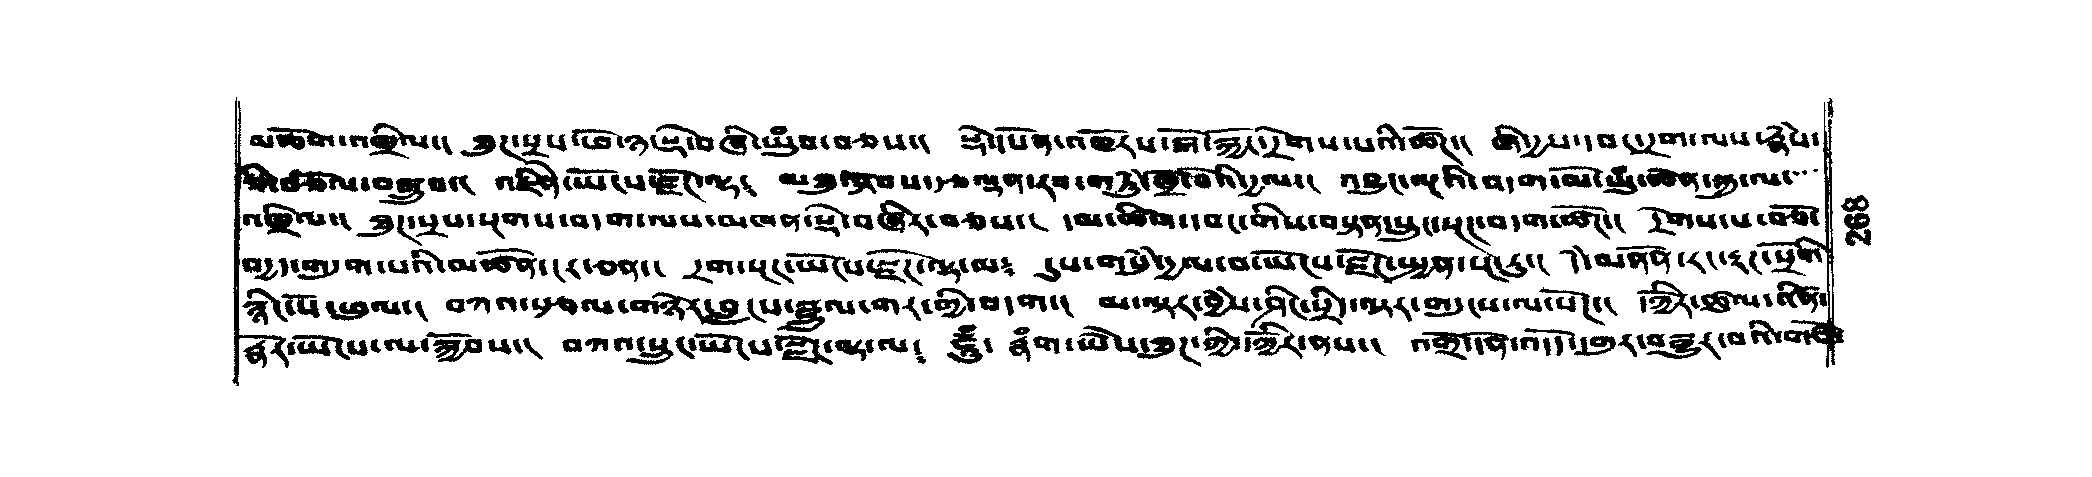མཆོག་འཁྲིལ། །ཐུགས་སྲས་ཕོ་ཉ་སྡེ་བཞི་ཡབ་ཡུམ་བཅས། །སྡེ་དཔོན་འཁོར་བཅས་སྒོ་སྐྱོང་དྲེགས་པའི་ཚོགས། །ཞི་རྒྱས་དབང་དྲག་ལས་རྣམས་
ཅི་བཅོལ་བསྒྲུབ། །འཇིག་རྟེན་ཡོངས་རྫོགས་ལྷ་༴ མཐུ་སྟོབས་རྩལ་ལྡན་རབ་གཏུམ་ཁྲོ་བོའི་རྒྱལ། །འབྱུང་ལྔའི་བདག་མོ་ཡུམ་ཆེན་སྐུ་ལ་
འཁྲིལ། །ཐུགས་སྲས་སྔགས་བདག་ལས་མཁན་སྡེ་བཞིར་བཅས། །དམ་ཚིག་དབང་གིས་བསྟན་སྲུང་སྔགས་བདག་ཚོགས། །དྲེགས་པ་བཅོ་
བརྒྱད་གདུག་པའི་མཚོན་ངར་ཅན། །དྲག་སྔགས་ཡོངས་རྫོགས་ལྷ་ལ་༴དུས་གསུམ་རྒྱལ་བ་ཡོངས་རྫོགས་སྤྱན་སྔ་རུ། །དམ་མནོན་རང་རྟགས་སྲོག་གི་
སྙིང་པོ་ཕུལ། །བཀའ་སྩལ་གཉེར་བླངས་རྫུ་འཕྲུལ་གར་གྱི་བདག་མ་ལྟར་བྱམས་ཤིང་སྲིང་ལྟར་གདུང་ལ་སོགས། །དཀྱིལ་འཁོར་ཚུལ་འཛིན་
རྣལ་འབྱོར་ཡོངས་ལ་སྐྱོབས། །བཀའ་སྲུང་ཡོངས་རྫོགས་ལྷ་ལ་༴ ཧཱུྃ། རྣམ་དག་ཡེ་ཤེས་ཐུགས་ཀྱི་དཀྱིལ་འཁོར་ནས། །འགྲོ་དོན་འདོད་དགུར་བསྒྱུར་བའི་གཙོ་